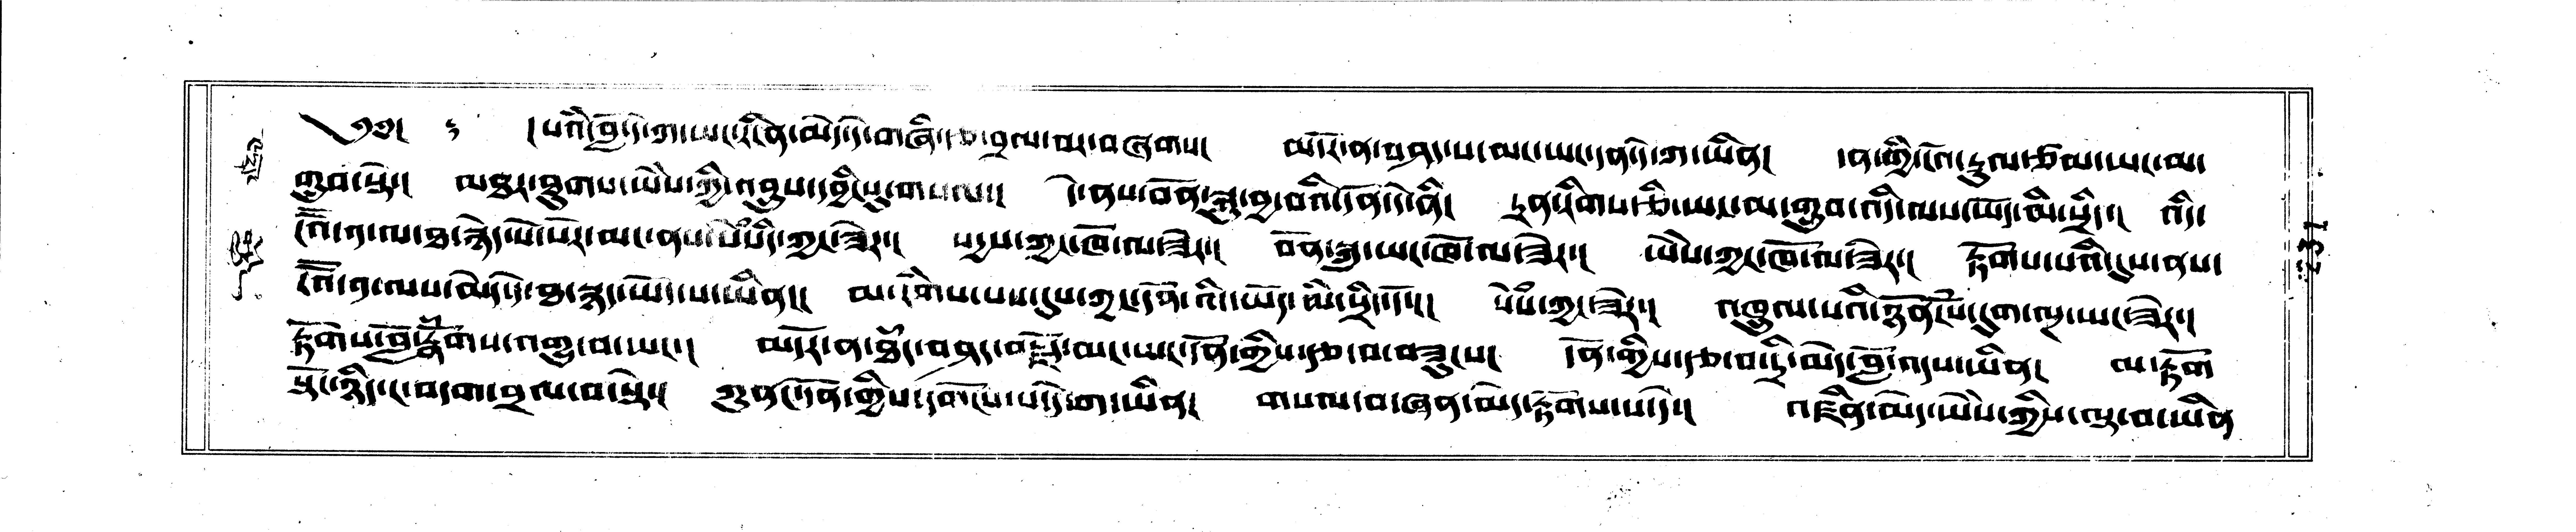པའི་བློ་དེ་ཀ་ཡང་། རང་བཞིན་མེད་དེ་གཞི་རྩ་བྲལ་བར་བཞག མདོར་ན་བཤད་པ་མང་ཡང་དོན་དེ་ཀ་ཡིན། དོན་གྱི་ངོའོ་རྡུལ་ཙམ་ཡང་མ་
གྲུབ་སྟེ། མཐར་ཐུག་ཡེ་ཤེས་ཀྱི་འབྲས་བུ་དབྱིངས་སུ་གསལ། དེ་ནས་བོན་སྐུ་བྱ་བའི་དོན་དེ་ནི། དྲན་རིག་ཅིར་ཡང་མ་གྲུབ་པ་འདི་ལས་ཡོད་མི་སྲིད། འདི་
ངོའོ་གཅིག་ལས་ཐ་སྙད་སོ་སོར་མང་ནས་སེམས་ཉིད་ཀྱང་ཁོ་ལ་ཟེར། སངས་རྒྱས་ཀྱང་ཁོ་ལ་ཟེར། བོན་སྐུ་ཡང་ཁོ་ལ་ཟེར། ཡེ་ཤེས་ཀྱང་ཁོ་ལ་ཟེར། རྟོགས་པའི་དུས་ལ་
ངོའོ་གཅིག་ལས་མེད་དེ།ཐ་སྙད་དེ་ཡོད་པ་ཡིན། མ་རིག་པའི་དུས་ཀྱང་དོན་འདི་ཀ་ལས་ཡོད་མི་སྲིད། སེམས་ཀྱང་ཟེར་། འཁྲུལ་པ་ཉོན་མོངས་དུག་ལྔ་ཡང་ཟེར། 
རྟོག་བློ་རྣམ་རྟོག་འགྱུ་བ་ཡང་ཟེར། མདོར་ན་ཐམས་ཅད་བཤད་བརྗོད་མང་ཡང་དོན་གྱི་རྩ་བ་བཟུང་། དོན་གྱིས་རྩ་བ་དྲི་མེད་བློ་འདས་ཡིན། མི་རྟོག་
སྟོང་ཉིད་ང་བདག་བྲལ་བ་དེ། ཀུན་བཟང་དོན་གྱིས་དགོངས་པ་དེ་ཀ་ཡིན། གསལ་ལ་ཞེན་མེད་རྟོག་པ་དེ། འཛིན་མེད་ཡེ་ཤེས་ཀྱིས་ལྟ་བ་ཡིན།